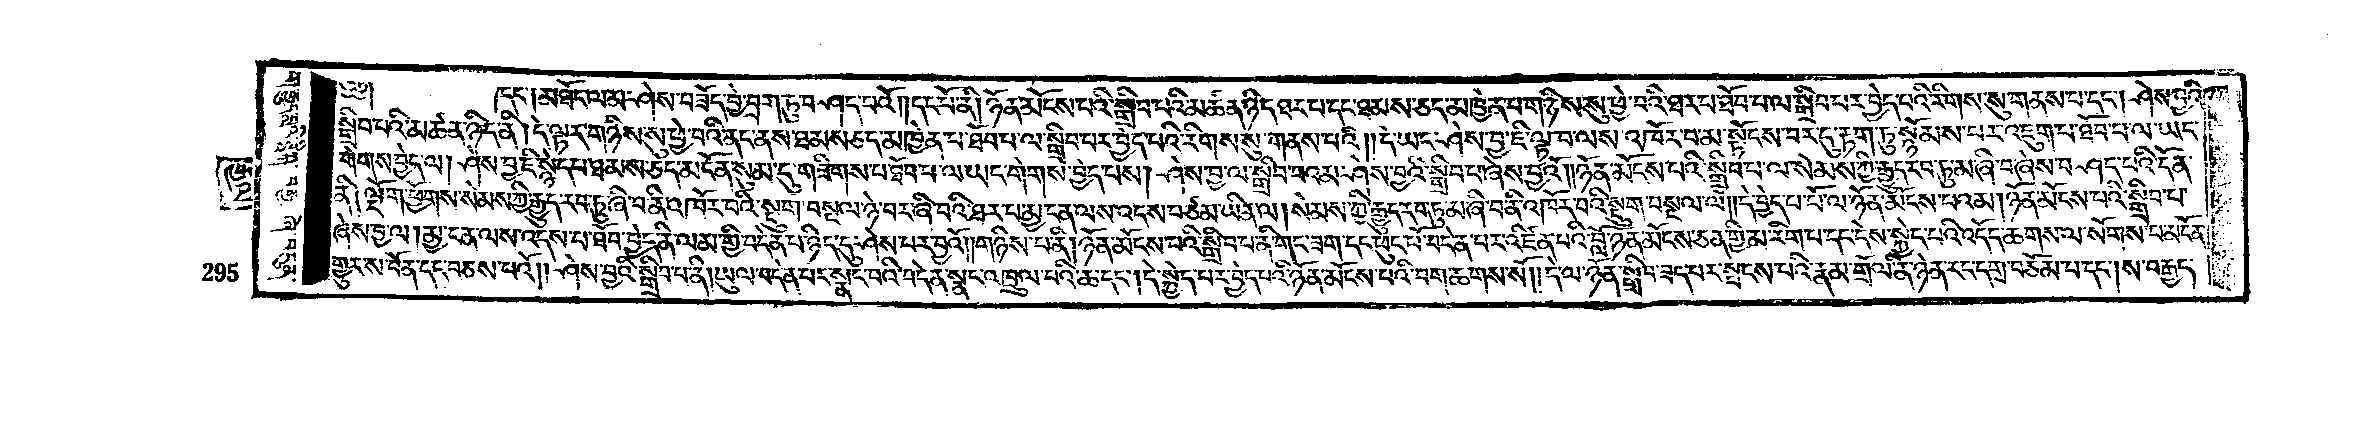༄༅། །དང༑ མཐོང་ལམ་ཤེས་བཟོད་བྱེ་བྲག་ཏུ་བཤད་པའོ། །དང་པོ་ནི། ཉོན་མོངས་པའི་སྒྲིབ་པའི་མཚན་ཉིད་ཐར་པ་དང་ཐམས་ཅད་མཁྱེན་པ་གཉིས་སུ་ཕྱེ་བའི་ཐར་པ་ཐོབ་པ་ལ་སྒྲིབ་པར་བྱེད་པའི་རིགས་སུ་གནས་པ་དང་། ཤེས་བྱའི་
སྒྲིབ་པའི་མཚན་ཉིད་ནི། དེ་ལྟར་གཉིས་སུ་ཕྱེ་བའི་ནང་ནས་ཐམས་ཅད་མཁྱེན་པ་ཐོབ་པ་ལ་སྒྲིབ་པར་བྱེད་པའི་རིགས་སུ་གནས་པའི། །དེ་ཡང་ཤེས་བྱ་ཇི་ལྟ་བ་ལས་འཁོར་བ་མ་སྟོངས་པར་དུ་རྟག་ཏུ་སྙོམས་པར་འཇུག་པ་ཐོབ་པ་ལ་ཡང་
གེགས་བྱེད་ལ། ཤེས་བྱ་ཇི་སྙེད་པ་ཐམས་ཅད་མངོན་སུམ་དུ་གཟིགས་པ་ཐོབ་པ་ལ་ཡང་གེགས་བྱེད་པས། ཤེས་བྱ་ལ་སྒྲིབ་པའམ་ཤེས་བྱའི་སྒྲིབ་པ་ཞེས་བྱའོ། །ཉོན་མོངས་པའི་སྒྲིབ་པ་ལ་སེམས་ཀྱི་རྒྱུད་རབ་ཏུ་མ་ཞི་བ་ཞེས་བཤད་པའི་དོན་
ནི༑ ལྡོག་ཕྱོགས་སེམས་ཀྱི་རྒྱུད་རབ་ཏུ་ཞི་བ་ནི་འཁོར་བའི་སྡུག་བསྔལ་ཉེ་བར་ཞི་བའི་ཐར་པ་མྱ་ངན་ལས་འདས་པ་ཙམ་ཡིན་ལ། སེམས་ཀྱི་རྒྱུད་རབ་ཏུ་མ་ཞི་བ་ནི་འཁོར་བའི་སྡུག་བསྔལ་ལ། །དེ་བྱེད་པ་པོ་ལ་ཉོན་མོངས་པའམ། ཉོན་མོངས་པའི་སྒྲིབ་པ་
ཞེས་བྱ་ལ། མྱ་ངན་ལས་འདས་པ་ཐོབ་བྱེད་ནི་ལམ་གྱི་བདེན་པ་ཉིད་དུ་ཤེས་པར་བྱའོ། །གཉིས་པ་ནི། ཉོན་མོངས་པའི་སྒྲིབ་པ་ནི་གང་ཟག་དང་ཕུང་པོ་བདེན་པར་འཛིན་པའི་བློ་ཉོན་མོངས་ཅན་གྱི་མ་རིག་པ་དང་དེས་སྐྱེད་པའི་འདོད་ཆགས་ལ་སོགས་པ་མངོན་
གྱུར་ས་བོན་དང་བཅས་པའོ། །ཤེས་བྱའི་སྒྲིབ་པ་ནི། ཡུལ་བདེན་པར་སྣང་བའི་བདེན་སྣང་འཁྲུལ་པའི་ཆ་དང་། དེ་སྐྱེད་པར་བྱེད་པའི་ཉོན་མོངས་པའི་བག་ཆགས་སོ། །དེ་ལ་ཉོན་སྒྲིབ་ཟད་པར་སྤངས་པའི་རྣམ་གྲོལ་ནི་ཉེན་རང་དགྲ་བཅོམ་པ་དང་། ས་བརྒྱད་